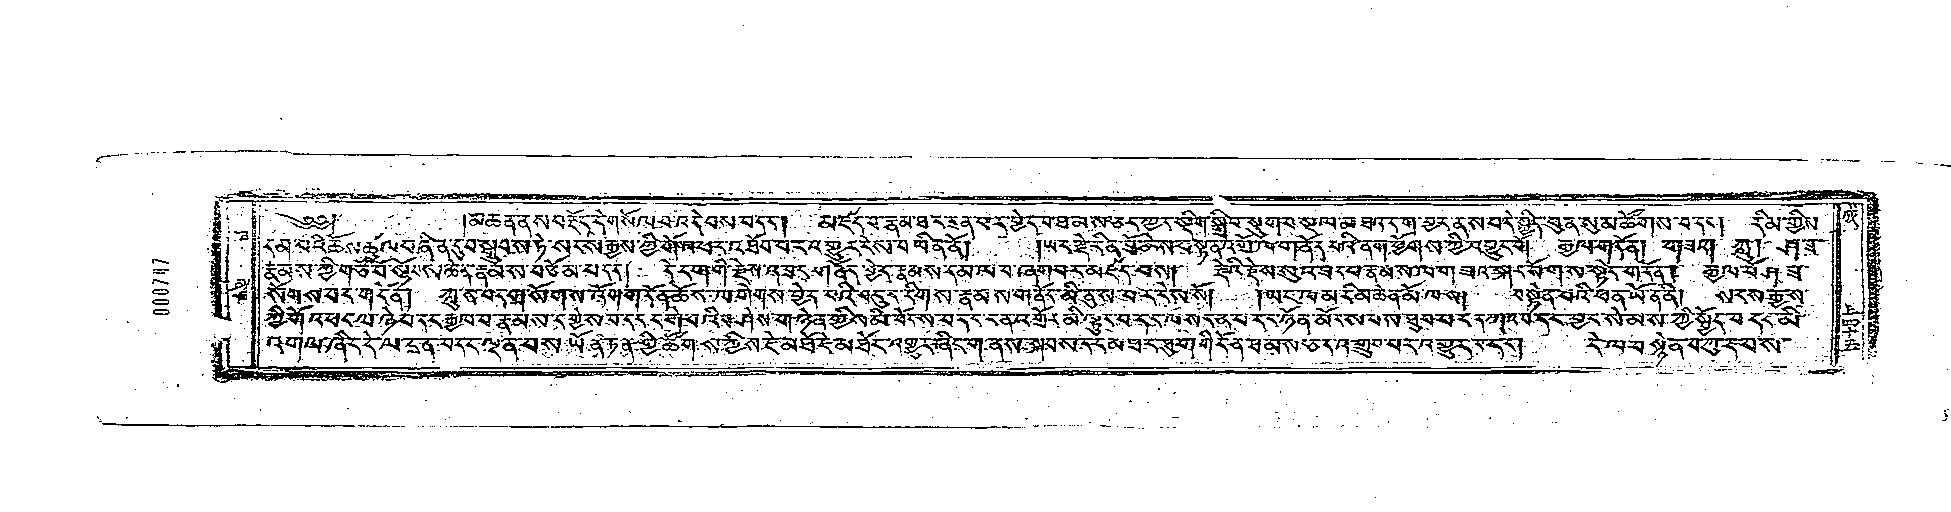༄༅། །མཚན་ནས་བརྗོད་དེ་གསོལ་བ་འདེབས་པ་དང་། མཛད་པ་རྣམ་ཐར་དྲན་པར་བྱེད་པ་ཐམས་ཅད་ཀྱང་སྡིག་སྒྲིབ་སྡུག་བསྔལ་མཐའ་དག་བྱད་ནས་བདེ་སྐྱིད་ཕུན་སུམ་ཚོགས་པ་དང་། རིམ་གྱིས་
དམ་པའི་ཆོས་ཚུལ་བཞིན་དུ་བསྒྲུབས་ཏེ་སངས་རྒྱས་ཀྱི་གོ་འཕང་འཐོབ་པར་འགྱུར་ངེས་པ་ཡིན་ནོ། །ཡང་རྗེ་རིན་པོ་ཆེས་བསྟན་འགྲོ་ལ་གནོད་པའི་ནག་ཕྱོགས་ཀྱི་འབྱུང་པོ། རྒྱལ་གདོན། གཟའ། ཀླུ། ཤ་ཟ་
རྣམས་ཀྱི་གཙོ་བོ་སྟོབས་ཆེན་རྣམས་བཅོམ་པ་དང་། དེ་དག་གི་རྗེས་འབྲང་གནོད་བྱེད་རྣམས་དམ་ལ་བཞག་པར་མཛད་པས། རྗེའི་རྗེས་སུ་འབྲང་བ་རྣམས་ལ་གཟའ་སྐར་སོགས་སྟེང་གདོན། རྒྱལ་པོ་ཤ་ཟ་
སོགས་པར་གདོན། ཀླུ་ས་བདག་སོགས་འོག་གདོན་ཆོས་བགེགས་བྱེད་པའི་བདུད་རིགས་རྣམས་གནོད་མི་ནུས་བར་ངེས་སོ། །ཡང་ལམ་རིམ་ཆེན་མོ་ལས། བསྟེན་པའི་ཕན་ཡོན་ནི། སངས་རྒྱས་
ཀྱི་གོ་འཕང་ལ་ཉེ་བ་དང་རྒྱལ་བ་རྣམས་དགྱེས་པ་དང་དགེ་བའི་བཤེས་གཉེན་གྱིས་མི་ཕོངས་པ་དང་ངན་འགྲོར་མི་ལྷུང་བ་དང་ལས་ངན་པ་དང་ཉོན་མོངས་པས་ཐུབ་པར་དཀའ་བ་དང་བྱང་སེམས་ཀྱི་སྤྱོད་པ་དང་མི་
འགལ་ཞིང་དེ་ལ་དྲན་པ་དང་ལྡན་པས་ཡོན་ཏན་གྱི་ཚོགས་ཀྱིས་ཇེ་མཐོ་ཇེ་མཐོང་འགྱུར་ཞིང་གནས་སྐབས་དང་མཐར་ཐུག་གི་དོན་ཐམས་ཅད་འགྲུབ་པར་འགྱུར་བ་དང་། དེ་ལ་བསྙེན་བཀུར་བས་